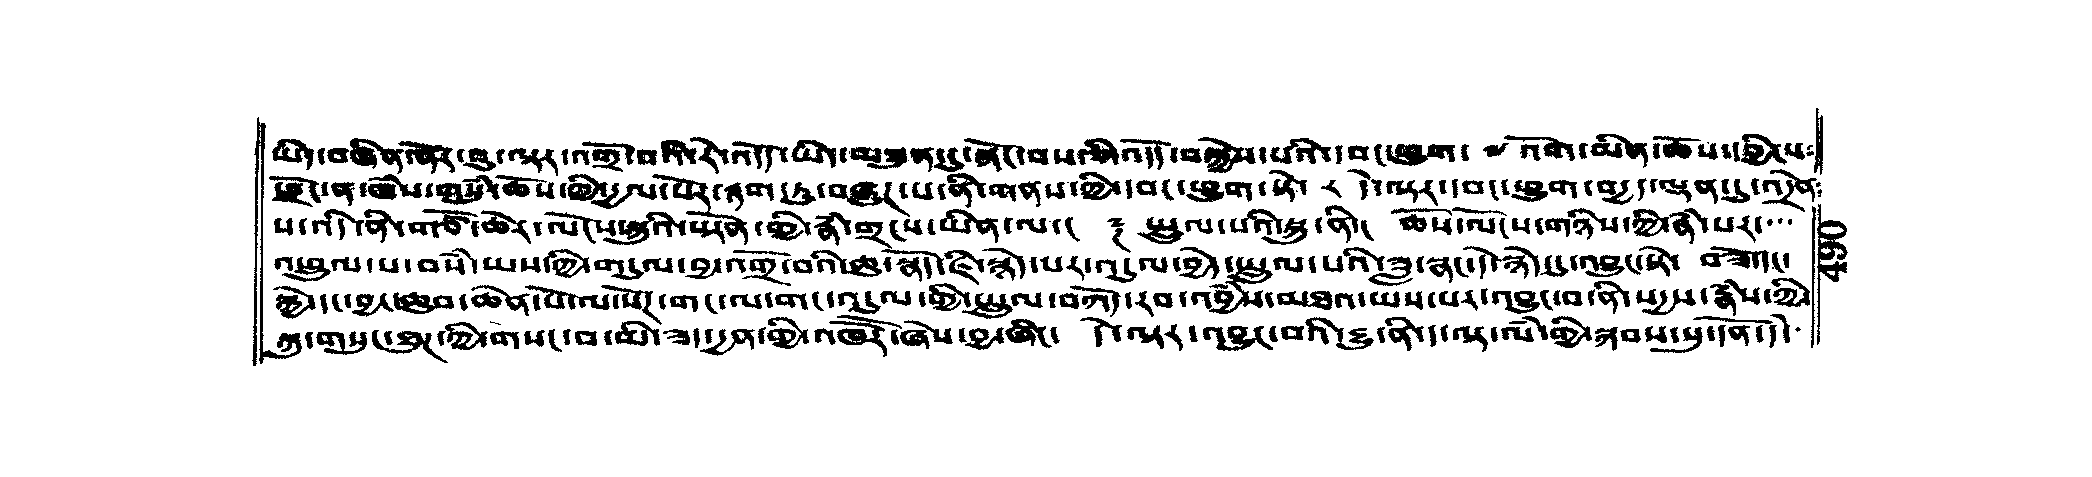ཡིད་བཞིན་ནོར་བུ་ལྟར་འགྲོ་བའི་རེ་འདོད་ཡིད་མཐུན་དུ་སྐོང་བས་ཅི་འདོད་སྐྱེས་པའི་དབང་ཕྱུག ༧ འོག་མིན་ཆོས་དབྱིངས་
ཕོ་བྲང་ན་ཁམས་གསུམ་ཆོས་ཀྱི་རྒྱལ་པོར་རྟག་ཏུ་བཞུགས་པ་ནི་གནས་ཀྱི་དབང་ཕྱུག་སྟེ། ༨ དེ་ལྟར་དབང་ཕྱུག་བརྒྱད་ལྡན་དུ་འདྲེན་
པ་འདི་ནི་གཙོ་ཆེར་ལོངས་སྐུའི་ཡོན་ཏན་གྱི་རྣམ་གྲངས་ཡིན་ལ། སྤྲུལ་པའི་སྐུ་ནི། ཆོས་ལོངས་གཉིས་ཀྱི་རྣམ་པར་
འཕྲུལ་པ་བསམ་ཡས་ཀྱི་གདུལ་བྱ་འགྲོ་བའི་ཆུ་སྣོད་ཇི་སྙེད་པར་འདུལ་བྱེད་སྤྲུལ་པའི་ཟླ་སྣང་དེ་སྙེད་དུ་འབྱུང་སྟེ། བཟོ་དང་
སྐྱེ་དང་བྱང་ཆུབ་ཆེན་པོ་ལ་སོགས་གང་ལ་གང་འདུལ་གྱི་སྤྲུལ་བཀོད་རབ་འབྱམས་མཐའ་ཡས་པར་འབྱུང་བ་ནི་སངས་རྒྱས་རྣམས་ཀྱི་
སྐུ་གསུང་ཐུགས་ཀྱི་གསང་བ་མི་ཟད་རྒྱན་གྱི་འཁོར་ལོ་ཞེས་བྱ་ཞིང་།དེ་ལྟར་འབྱུང་བའི་རྒྱུ་ནི་ད་ལྟ་ལམ་གྱི་སྐབས་སུ་དོན་དམ་